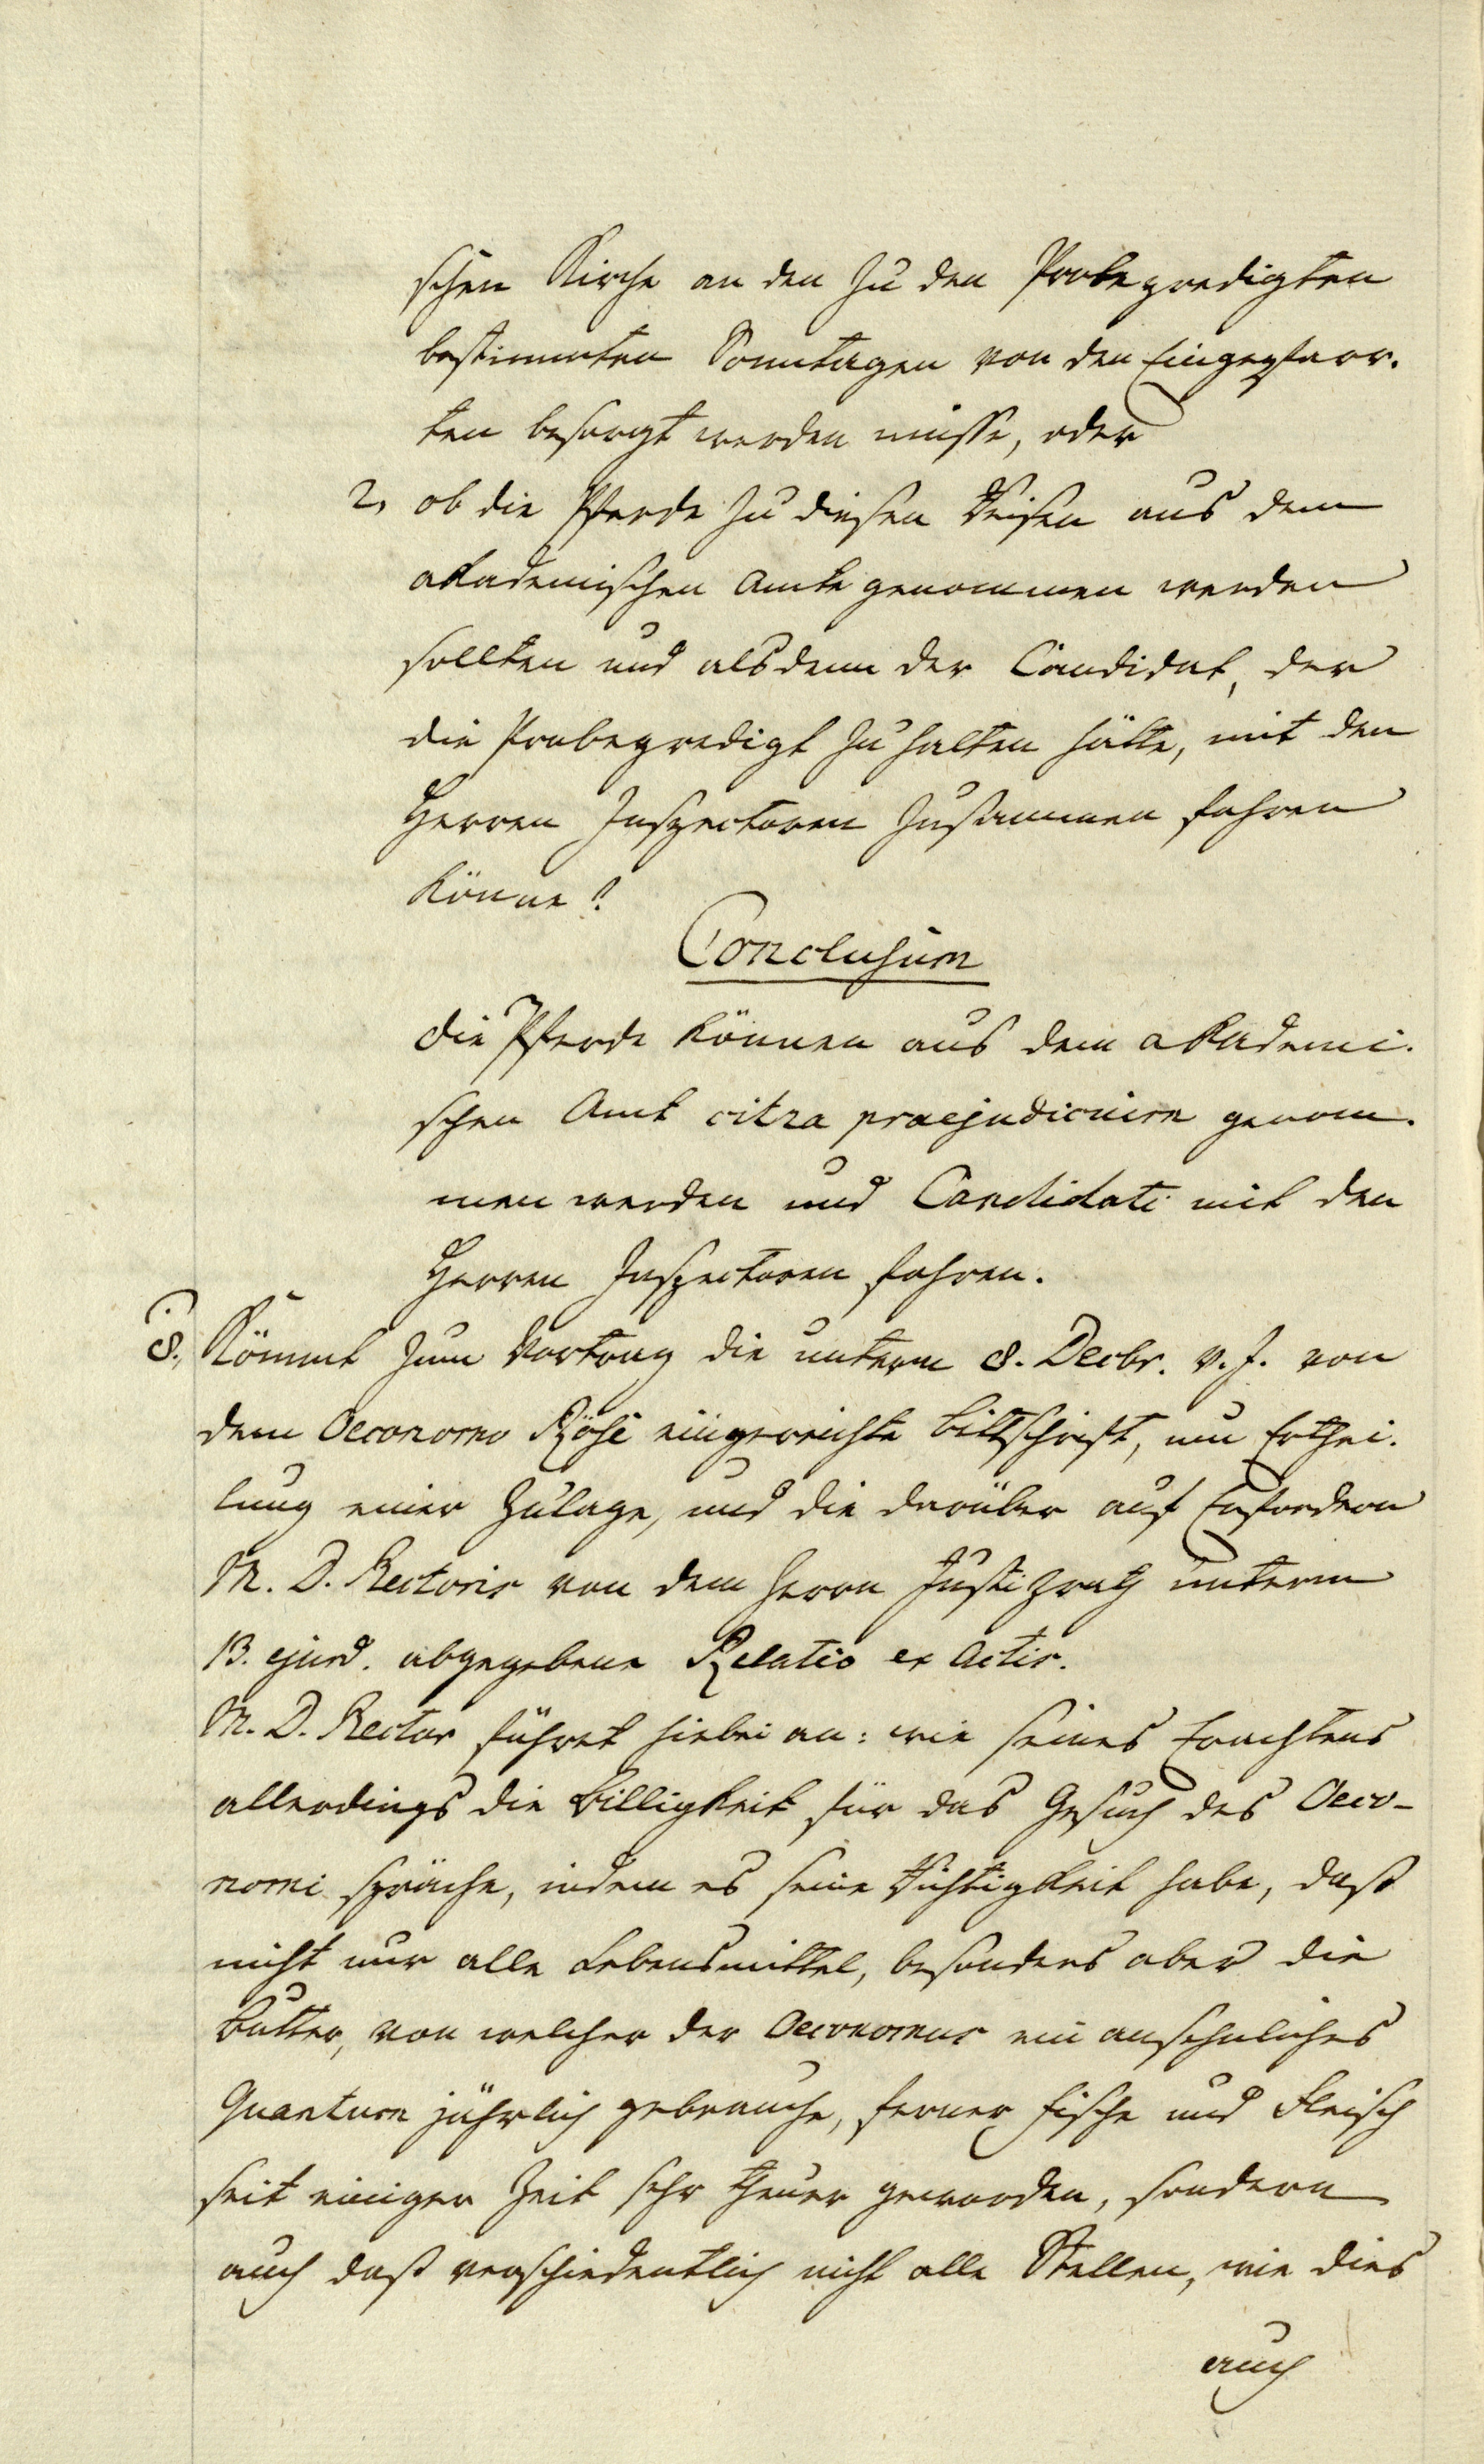schen Kirche an den zu den Probepredigten
bestimmten Sonntagen von den Eingepfarr¬
ten besorgt werden müsse, oder
2, ob die Pferde zu diesen Reisen aus dem
akademischen Amte genommen werden
sollten und als denn der Candidat, der
die Probepredigt zu halten hätte, mit den
Herren Inspectoren zusammen fahren
könne?
Conclusum
Die Pferde können aus dem akademi¬
schen Amt citra praejudicium genom¬
men werden und Candidati mit den
Herren Inspectoren fahren.
8. Kömmt zum Vortrag die unterm 8. Decbr. v. J. von
dem Oeconomo Röse eingereichte Bittschrift, um Erthei¬
lung einer Zulage, und die darüber auf Erfordern
M. D. Rectoris von dem Herrn Justizrath unterm
13. ejusd. abgegebene Relatio ex Actis.
M. D. Rector führet hiebei an: wie seines Erachtens
allerdings die Billigkeit für das Gesuch des Oeco¬
nomi spräche, indem es seine Richtigkeit habe, daß
nicht nur alle Lebensmittel, besonders aber die
Butter von welcher der Oeconomus ein ansehnliches
Quantum jährlich gebrauche, ferner Fische und Fleisch
seit einiger Zeit sehr theuer geworden, sondern
auch daß verschiedentlich nicht alle Stellen, wie dies
auch